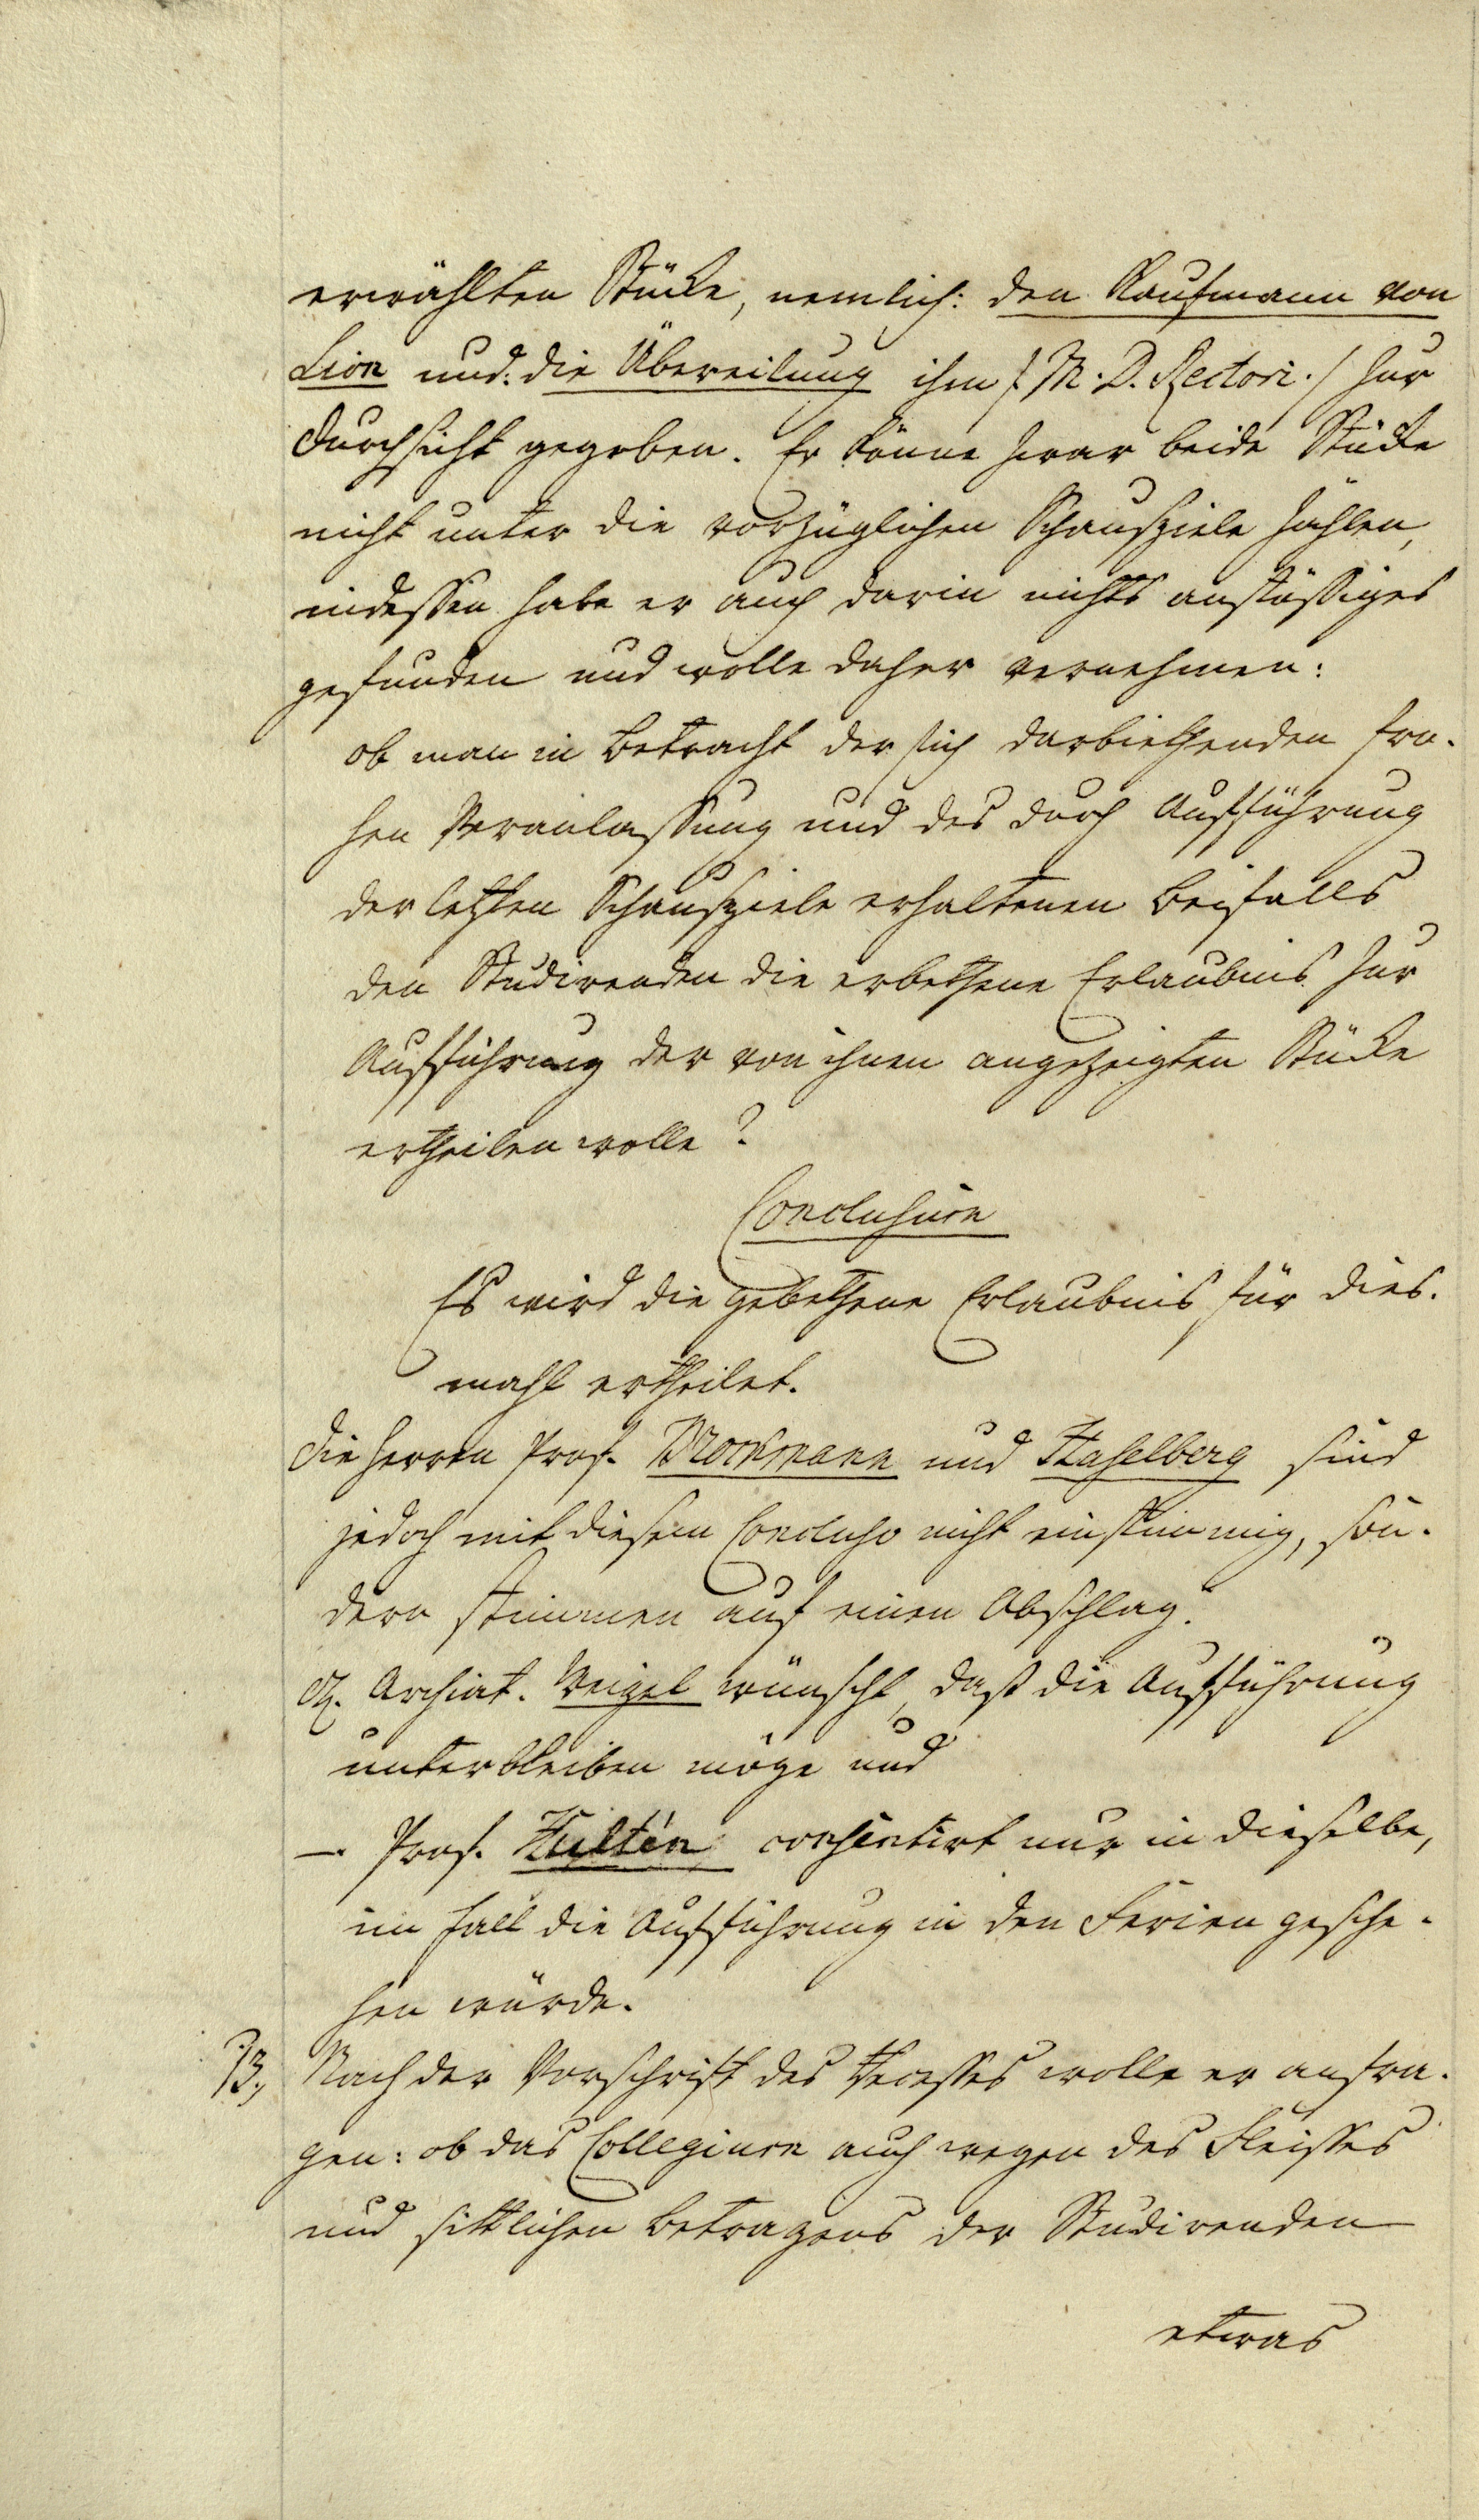erwählten Stücke, nemlich: den Kaufmann von
Lion und: die Übereilung ihm / M. D. Rectori ./ zur
Durchsicht gegeben. Er könne zwar beide Stücke
nicht unter die vorzüglichen Schauspiele zählen,
indessen habe er auch darin nichts anstössiges
gefunden und wolle daher vernehmen:
ob man in Betracht der sich darbiethenden fro¬
hen Veranlassung und des durch Aufführung
der letzten Schauspiele erhaltenen Beifalls
den Studirenden die erbethene Erlaubnis zur
Aufführung der von ihnen angezeigten Stücke
ertheilen wolle?
Conclusum
Es wird die gebethene Erlaubnis für dies¬
mahl ertheilet.
Die Herren Prof. Brockmann und Haselberg sind
jedoch mit diesem Concluso nicht einstimmig, son¬
dern stimmen auf ein Abschlag.
dh. Archiat. Weigel wünscht, daß die Aufführung
unterbleiben möge und
Prof. Hultén consentirt nur in dieselbe,
im Fall die Aufführung in den Ferien gesche¬
hen würde.
13., Nach der Vorschrift des Recesses wolle er anfra¬
gen: ob das Collegium auch wegen des Fleisses
und sittlichen Betragens der Studirenden
etwas